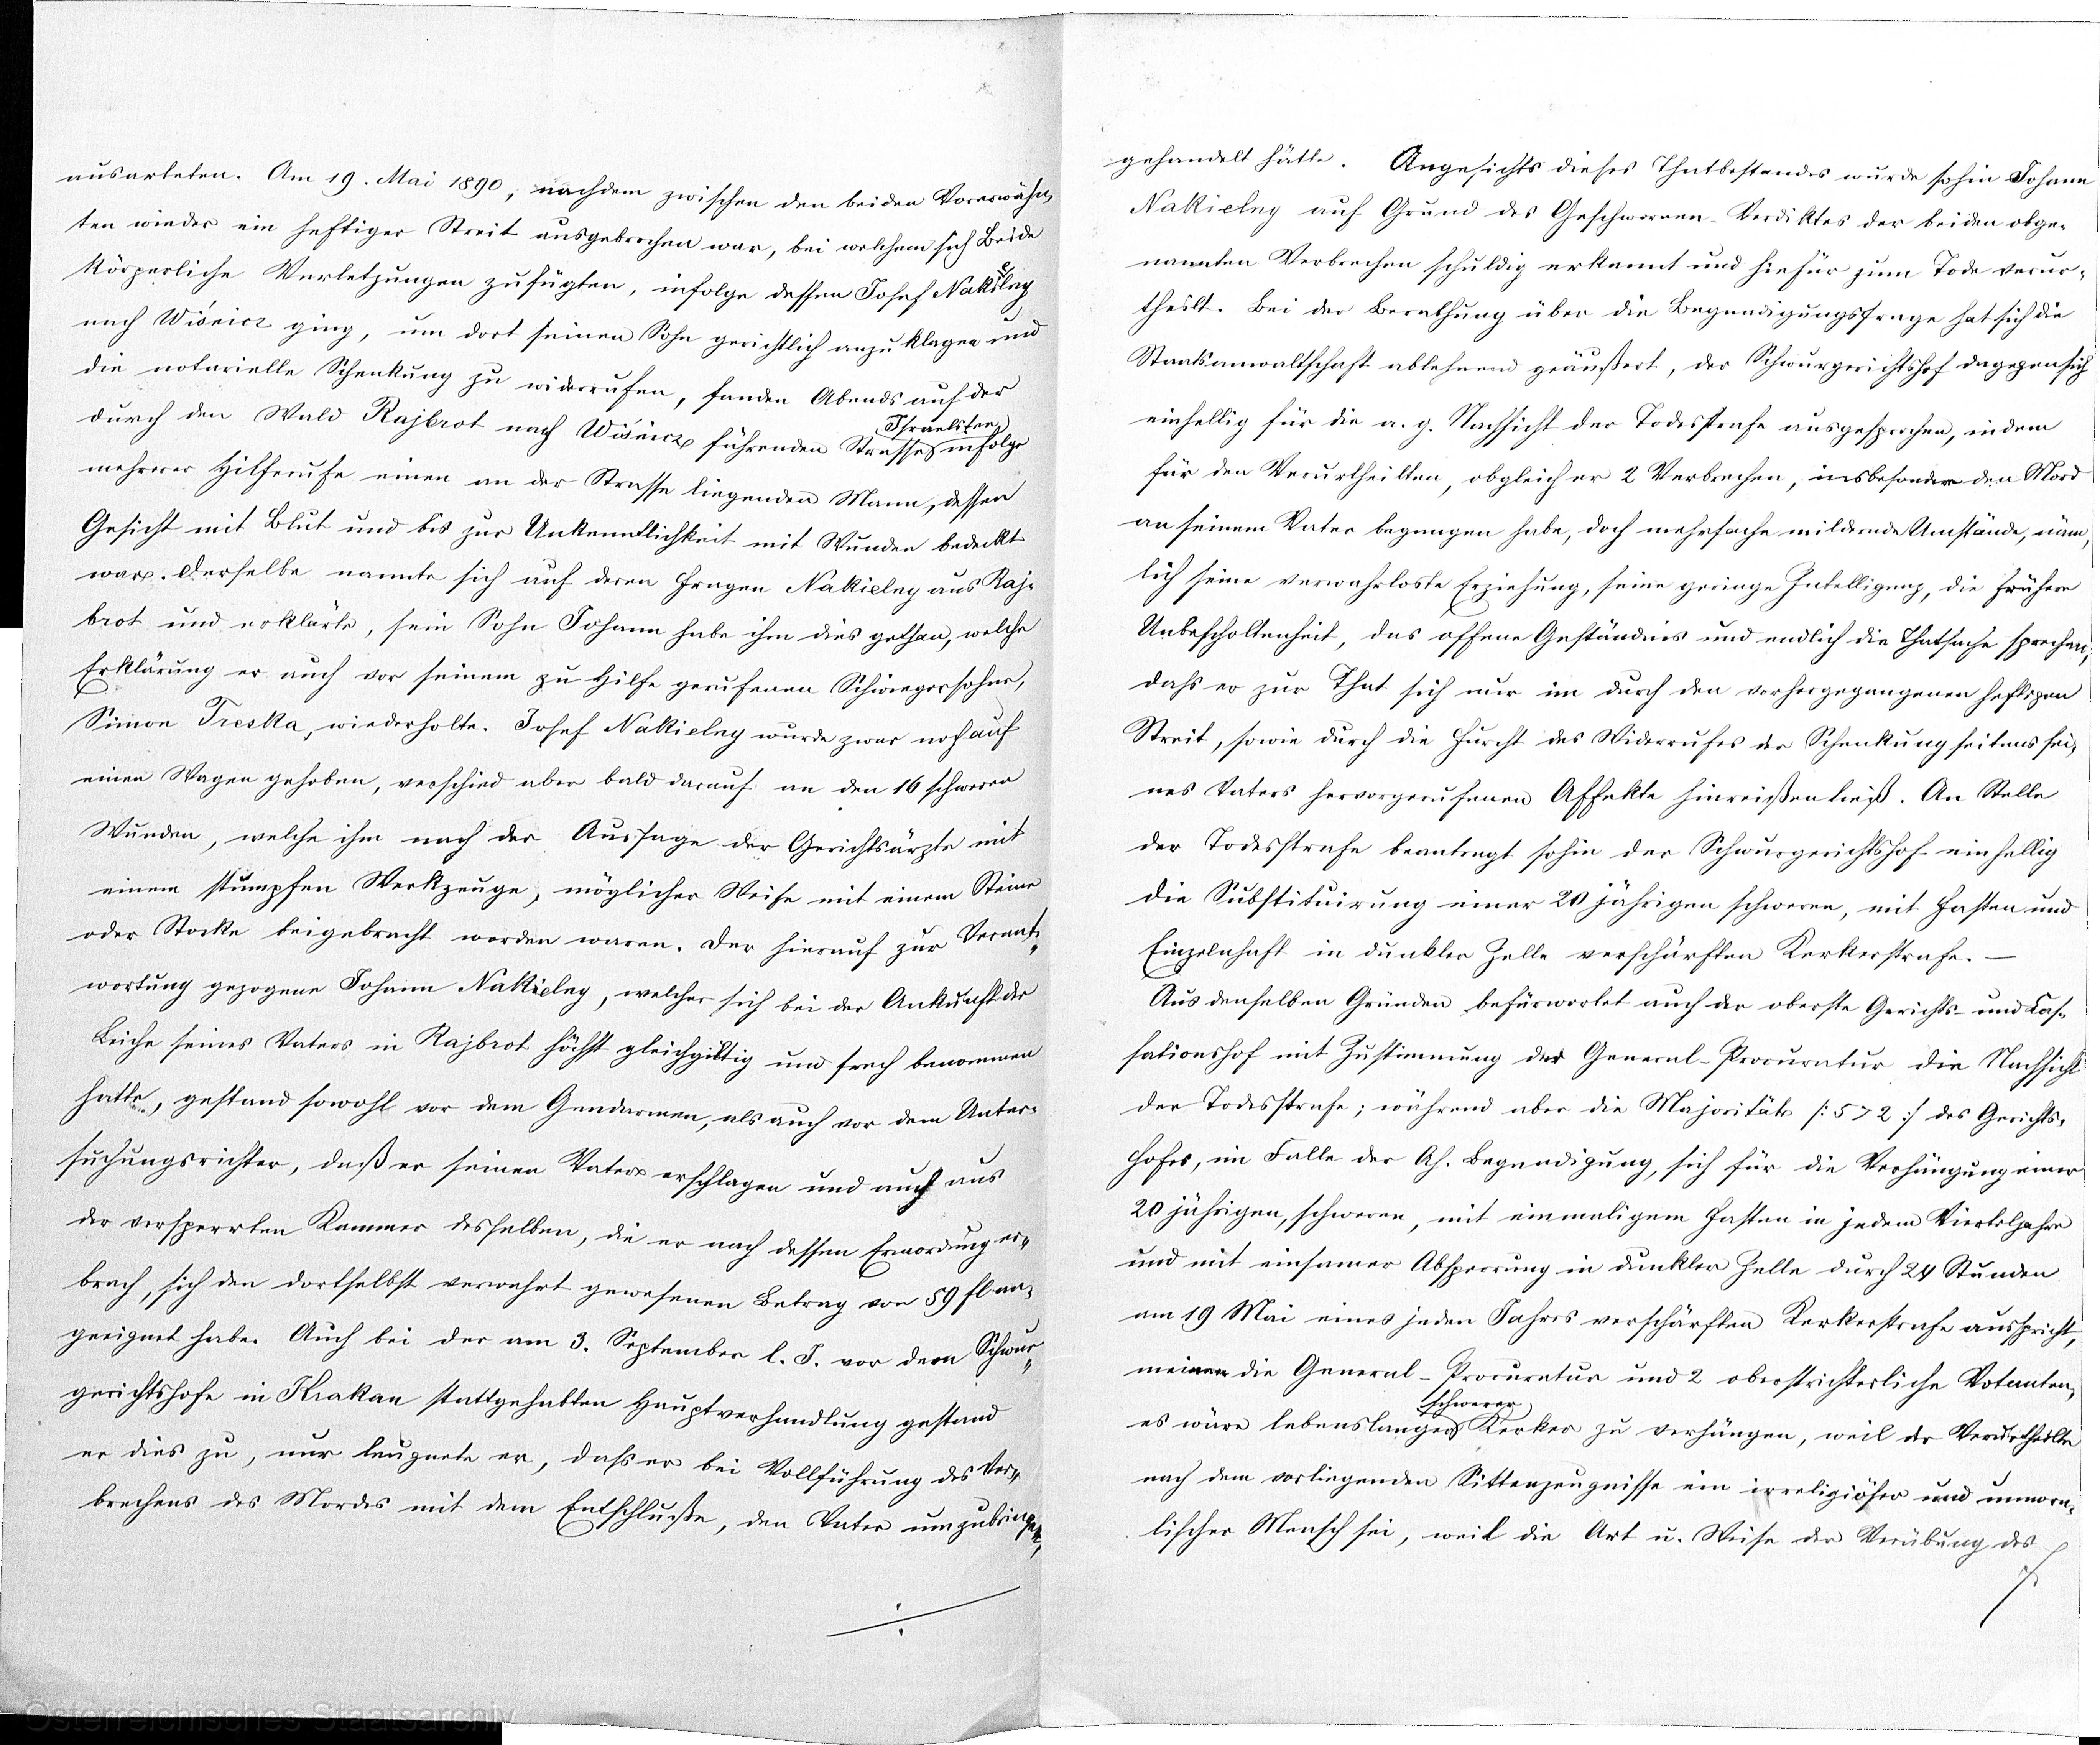ausarteten. Am 19. Mai 1890, nachdem zwischen den beiden Vorerwähn¬
ten wieder ein heftiger Streit ausgebrochen war, bei welchem sich Beide
körperliche Verletzungen zufügten, infolge dessen Josef Nakxx
nach Wiśnicz ging, um dort seinen Sohn gerichtlich anzuklagen und
die notarielle Schenkung zu widerrufen, fanden Abends auf der
Israelsten
durch den Wald Rajbrot nach Wiśnicz führenden Strasse infolge
mehrerer Hilferufe einen an der Strasse liegenden Mann, dessen
Gesicht mit Blut und bis zur Unkenntlichkeit mit Wunden bedeckt
war. Derselbe nannte sich auf deren Fragen Nakielny aus Raj¬
brot und erklärte, sein Sohn Johann habe ihm dies gethan, welche
Erklärung er auch vor seinem zu Hilfe gerufenen Schwiegerxxhen,
Simon Treska, wiederholte. Josef Nakielny wurde zwar noch auf
einen Wagen gehoben, verschied aber bald darauf an den 16 schweren
Wunden, welche ihm nach der Aussage der Gerichtsärzte mit
einem stumpfen Werkzeuge, möglicher Weise mit einem Steine
oder Stocke beigebracht werden waren. Der hierauf zur Verant¬
wortung gezogene Johann Nakielny, welcher sich bei der Ankunft den
Leiche seines Vaters in Rajbrot höchst gleichgültig und frech benommen
hatte, gestand sowohl vor dem Gandarmen, als auch vor dem Unter¬
suchungsrichter, daß er seinen Vaters erschlagen und auch aus
der versperrten Kammer desselben, die er nach dessen Ermordung er¬
brach, sich den dortselbst verwahrt gewesenen Betrag von 59 fl an¬
geeignet habe. Auch bei der am 3. September l. J. vor dem Schwur¬
gerichtshofe in Krakan stattgehabten Hauptverhandlung gestand
er dies zu, nur leugnete er, daß er bei Vollführung des Ver¬
brechens des Mordes mit dem Entschluße, den Vater um zubringen,
gehandelt hätte. Angesichts dieses Thatbestandes wurde sohin Johann
Nakielny auf Grund des Geschwornen. Verdiktes der bei den obge¬
nannten Verbrechen schuldig erkannt und hiefür zum Tode verur¬
theilt. Bei der Berathung über die Begnadigungsfrage hat sich die
Staatsanwaltschaft ablehnend geäußert, der Schwurgerichtshof dagegen sich
einhellig für die a. g. Nachsicht der Todesstrafe ausgesprochen, in dem
für den Verurtheilten, obgleich er 2 Verbrechen, insbesondere den Mord
an seinem Vater begangen habe, doch mehrfache mildernde Umstände, näm¬
lich seine verwahrloste Erziehung, seine geringe Jntelligenz, die frühere
Unbescholtenheit, das offene Geständnis und endlich die Thatsache sprechen,
daß er zur That sich nur im durch den vorhergegengenen heftigen
Streit, sowie durch die Furcht des Widerrufes der Schenkung seitens sei¬
nes Vaters hervorgerufenen Affekte hinreißen ließ. An Stelle
der Todesstrafe beantragt sohin der Schwurgerichtshof einhellig
die Substituirung einer 20 jährigen schweren, mit Fasten und
Einzelnhaft in dunkler Zelle verschärften Kerkerstrafe.-
Aus denselben Gründen befürwortet auch der oberste Gerichts- und Cas¬
sationshof mit Zustimmung der General-Procuratur die Nachsicht
der Todesstrafe; während aber die Majorität /: 572 :/ des Gerichts¬
hofes, im Falle der Ah. Begnadigung, sich für die Verhängung einen
20 jährigen, schweren, mit einmaligem Fasten in jedem Vierteljahre
und mit einsamer Absperrung in dunkler Zelle durch 24 Stunden
am 19 Mai eines jeden Jahres verschärften Kerkerstrafe ausspricht,
meinen die General-Procuratur und 2 oberstrichterliche Votanten,
schwerer
es wäre lebenslanger Kerker zu verhängen, weil der Verurtheilte
nach dem vorliegenden Sittenzeugnisse ein irreligiöser und unmora¬
lischer Mensch sei, weil die Art u. Weise der Verübung des